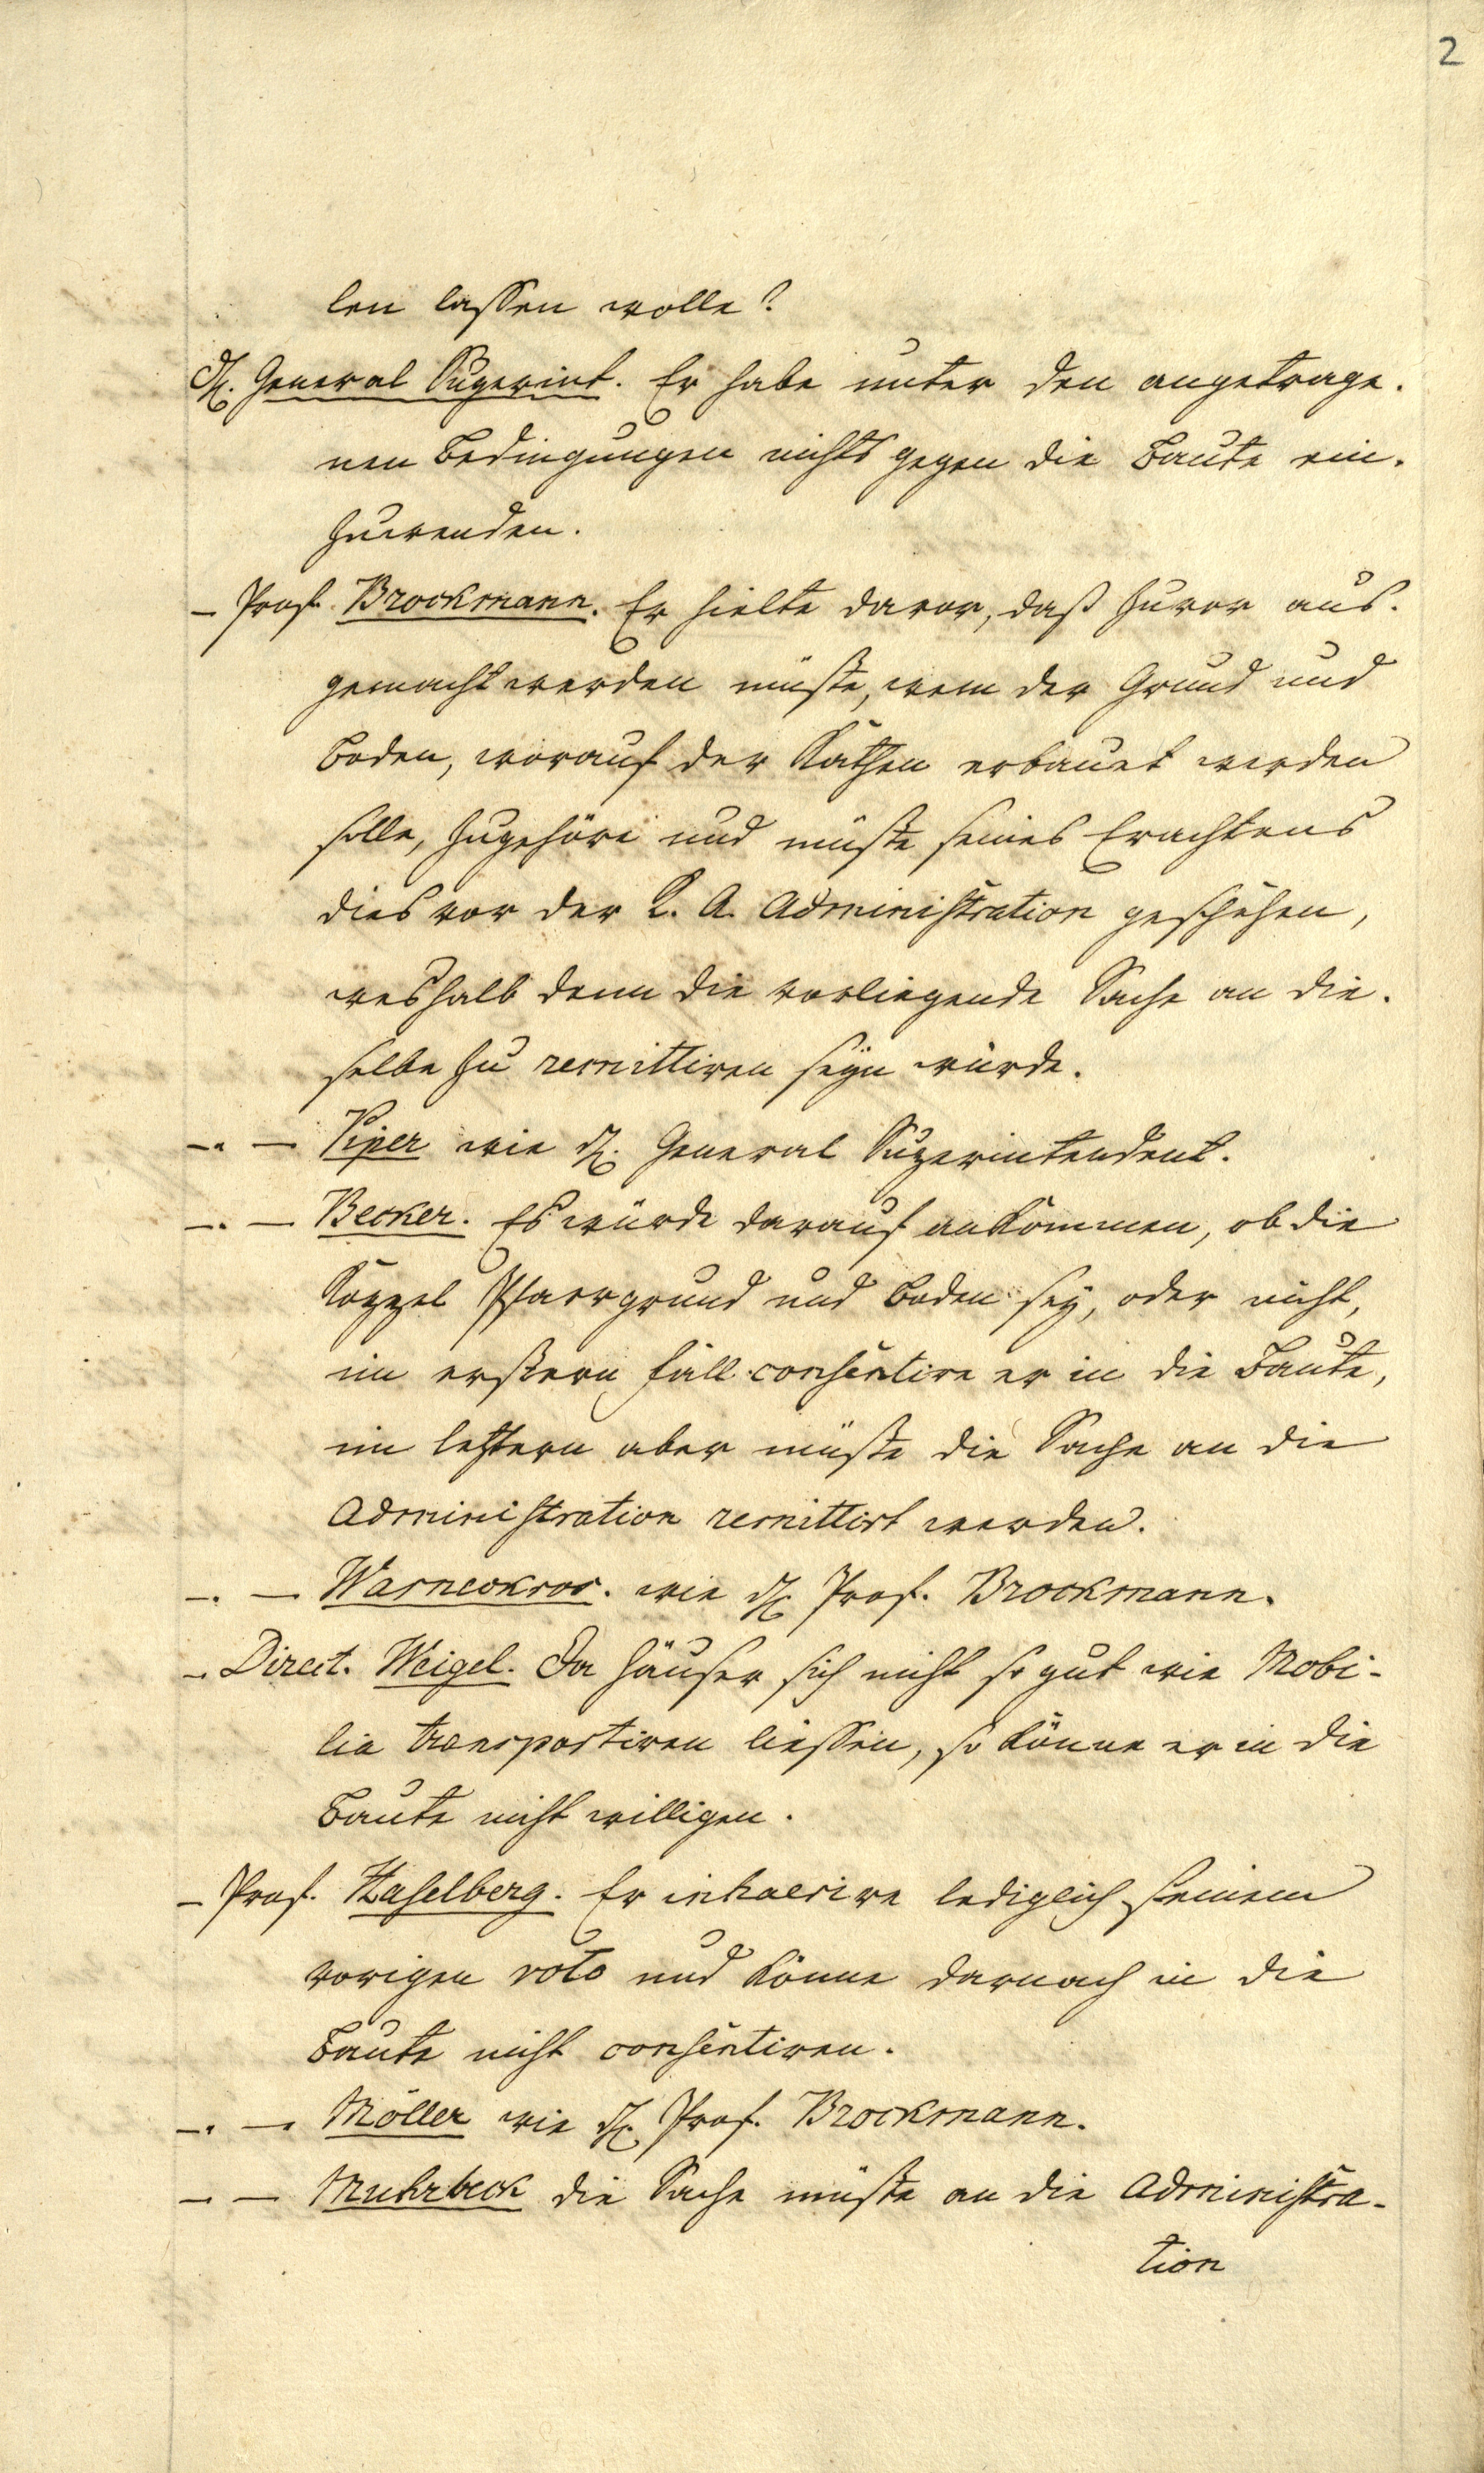len lassen wolle?
dh. General Superint. Er habe unter den angetrage-
nen Bedingungen nichts gegen die Baute ein-
zuwenden
- Prof. Brockmann. Er hielte davor, daß zuvor aus-
gemacht werden müßte, wem der Grund und
Boden, worauf der Kathen erbauet werden
solle, zugehöre und müßte seines Erachtens
dies vor der K. A. Administration geschehen,
weshalb denn die vorliegende Sache an die-
selbe zu remittiren seyn würde.
- " - Piper wie dh. General Superintendent.
- " - Becker. Es würde darauf ankommen, ob die
Koppel Pfarrgrund und Boden sey, oder nicht,
im ersten Fall consentire er in die Baute,
im letztern aber müßte die Sache an die
Administration remittirt werden.
- " - Warneckros. wie dh. Prof. Brockmann.
- Direct. Weigel. Da Häuser sich nicht so gut wie Mobi-
lia transportiren liessen, so könne er in die
Baute nicht willigen.
- Prof. Haselberg. Er inhaerire lediglich seinem
vorigen voto und könne darnach in die
Baute nicht consentiren.
- - Möller wie dh. Prof. Brockmann.
- - Muhrbeck die Sache müßte an die Administra-
tion